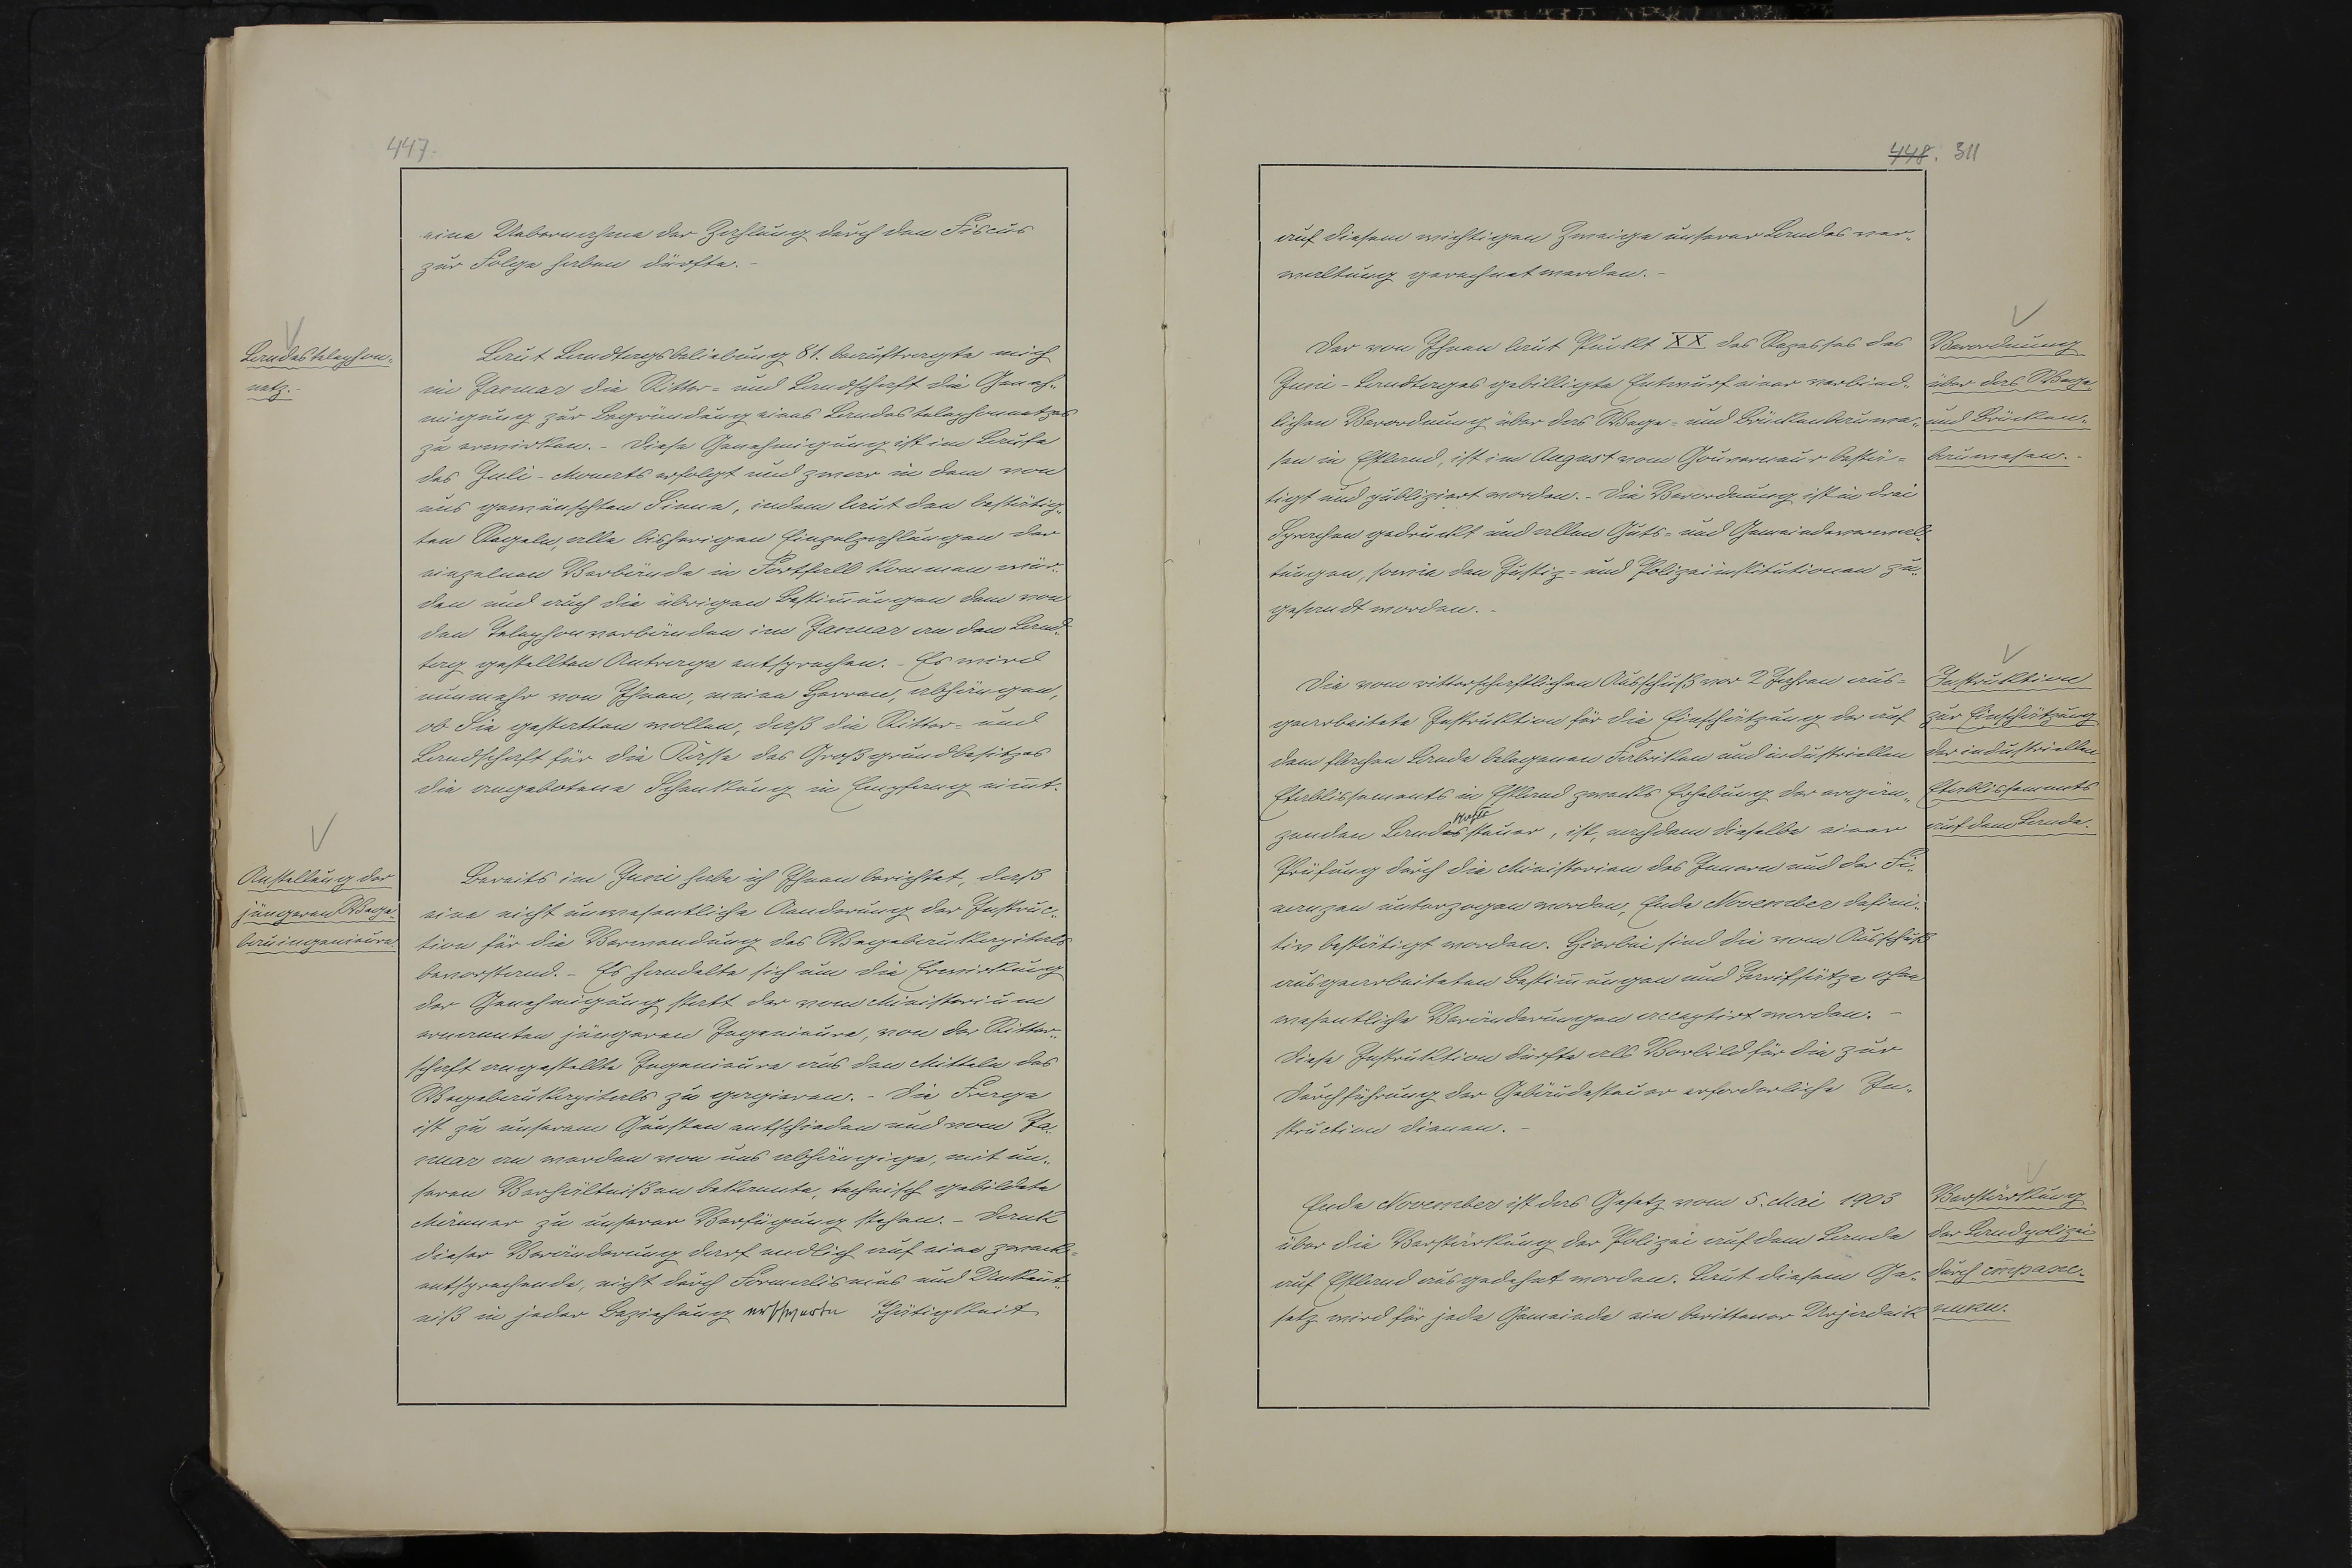Landestelephon-
netz.
Anstellung der
jüngeren Wege-
bauingenieure.
eine Uebernahme der Zahlung durch den Fiscus
zur Folge haben dürfte.
Laut Landtagsbeliebung 81. beauftragte mich
im Januar die Ritter- und Landschaft die Geneh-
migung zur Begründung eines Landestelephonnetzes
zu erwirken. - Diese Genehmigung ist im Laufe
des Juli-Monats erfolgt und zwar in dem von
uns gewünschten Sinne, indem laut den bestätig-
ten Regeln, alle bisherigen Einzelzahlungen der
einzelnen Verbände in Fortfall kommen wür-
den und auch die übrigen Bestimmungen dem von
den Telephonverbänden im Januar an den Land-
tag gestellten Antrage entsprechen. – Es wird
nunmehr von Ihnen, meine Herren, abhängen,
ob Sie gestatten wollen, daß die Ritter- und
Landschaft für die Kasse des Großgrundbesitzes
die angebotene Schenkung in Empfang nimmt.
Bereits im Juni habe ich Ihnen berichtet, daß
eine nicht unwesentliche Aenderung der Instruc-
tion für die Verwendung des Wegebaukapitals
bevorstand. - Es handelte sich um die Erwirkung
der Genehmigung, statt der vom Ministerium
ernannten jüngeren Ingenieure, von der Ritter-
schaft angestellte Ingenieure aus den Mitteln des
Wegebaukapitals zu gagieren. - Die Frage
ist zu unseren Gunsten entschieden und vom Ja-
nuar an werden von uns abhängige, mit un-
seren Verhältnißen bekannte, technisch gebildete
Männer zu unserer Verfügung stehen. - Dank
dieser Veränderung darf endlich auf eine zweck-
entsprechende, nicht durch Formalismus und Unkennt-
niß in jeder Beziehung erschwerte Thätigkeit
auf diesem wichtigen Zweige unserer Landesver-
waltung gerechnet werden.
Der von Ihnen laut Punkt XX des Rezesses des
Juni-Landtages gebilligte Entwurf einer verbind-
lichen Verordnung über das Wege- und Brückenbauwe-
sen in Estland, ist im August vom Gouverneur bestä-
tigt und publiziert worden. - Die Verordnung ist in drei
Sprachen gedruckt und allen Guts- und Gemeindeverwal-
tungen sowie den Justiz- und Polizeiinstitutionen zu-
gesandt worden.
Die vom ritterschaftlichen Ausschuß vor 2 Jahren aus-
gearbeitete Instruktion für die Einschätzung der auf
dem flachen Lande belegenen Fabriken und industriellen
Etablissements in Estland zwecks Erhebung der ergän-
schafts
zenden Landessteuer, ist, nachdem dieselbe einer
Prüfung durch die Ministerien des Innern und der Fi-
nanzen unterzogen worden, Ende November defini-
tiv bestätigt worden. Hierbei sind die vom Ausschuß
ausgearbeiteten Bestimmungen und Tarifsätze ohne
wesentliche Veränderungen acceptiert worden. –
Diese Instruktion dürfte als Vorbild für die zur
Durchführung der Gebäudesteuer erforderliche In-
struction dienen.
Ende November ist das Gesetz vom 5. Mai 1903
über die Verstärkung der Polizei auf dem Lande
auf Estland ausgedehnt worden. Laut diesem Ge-
setz wird für jede Gemeinde ein berittener Urjadnik
Verordnung
über das Wege-
und Brücken-
bauwesen.
Instruktion
zur Einschätzung
der industriellen
Etablissements
auf dem Lande.
Verstärkung
der Landpolizei
durch страж-
ники.